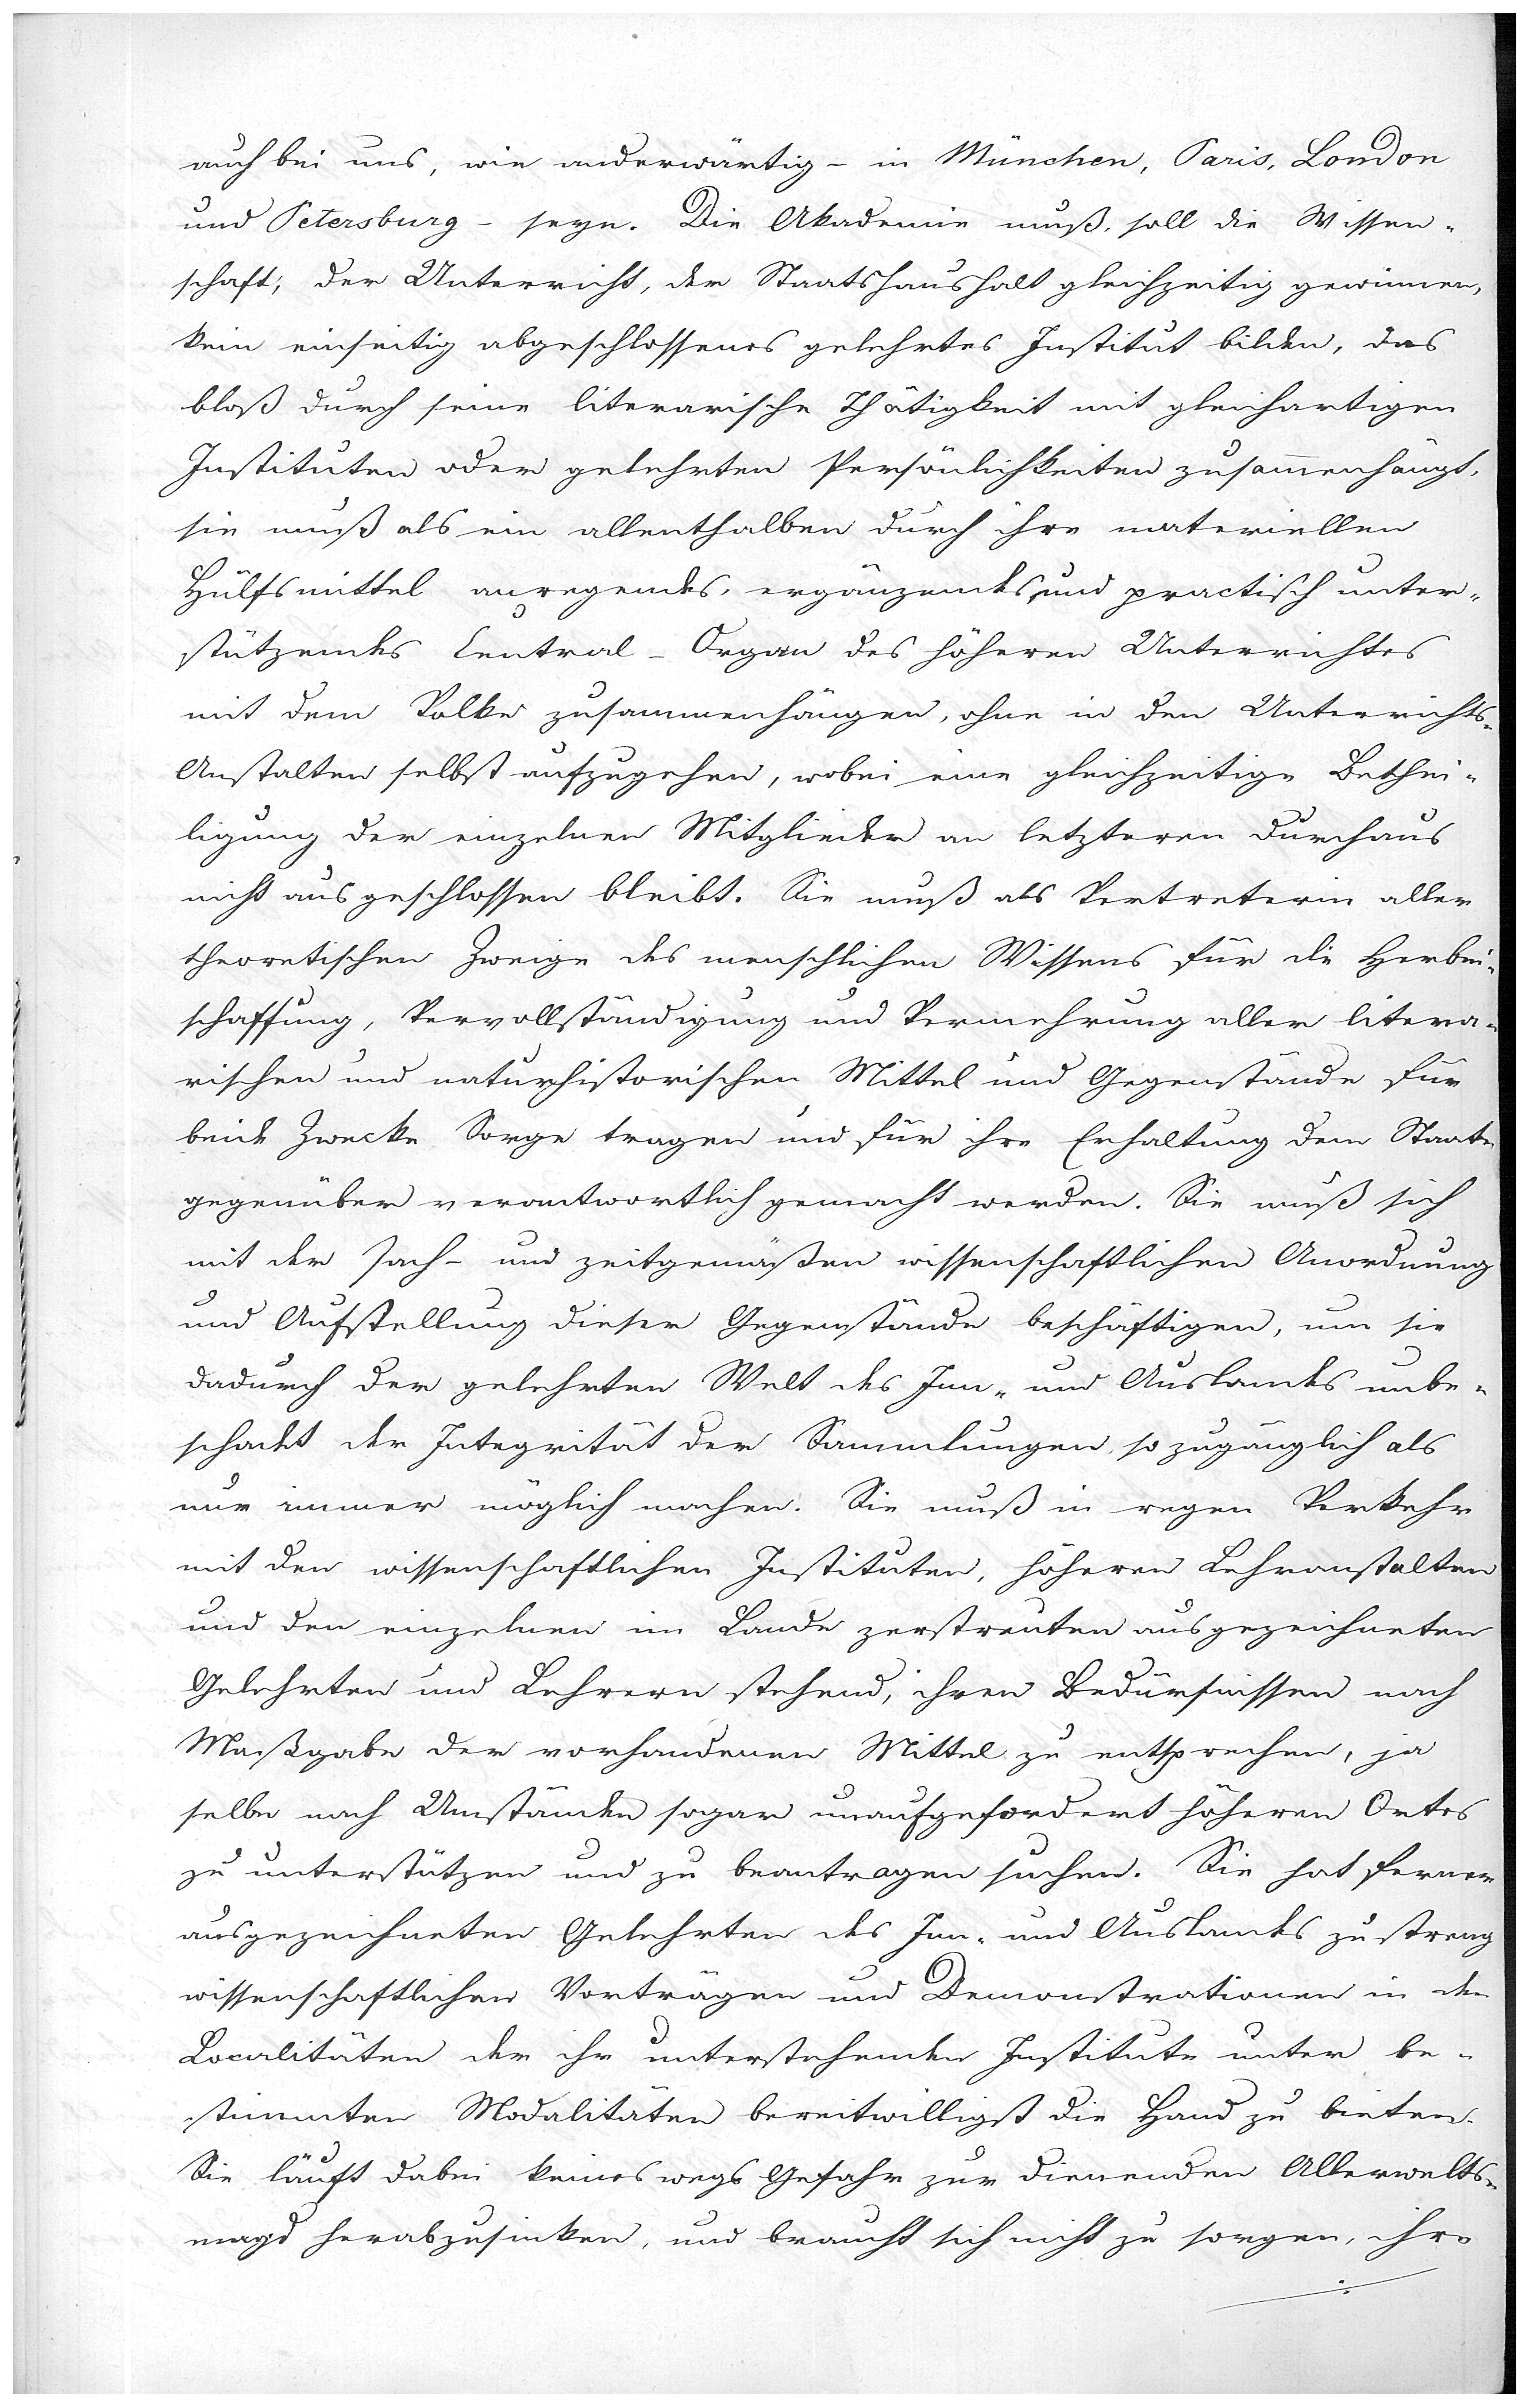auch bei uns, wie anderwärtig in München, Paris, London
und Petersburg seyen. Die Akademie muß, soll die Wissen-
schaft, der Unterricht, der Staatshaushalt gleichzeitig gewinnen,
kein einseitig abgeschlossenes gelehrten Institut bilden, das
bloß durch seine literarische Thätigkeit mit gleichartigen
Instituten oder gelehrten Persönlichkeiten zusammenhängt,
sie muß als ein allenthalben durch ihre materiellen
Hülfsmittel anregendes, ergänzundes und practisch unter-
stützendes Central-Organ des höheren Unterrichtes
mit dem Volke zusammenhängen, ohne in den Unterrichts
Anstalten selbst aufzugehen, wobei eine gleichzeitige Bethei-
ligung der einzelnen Mitglieder an letzteren durchaus
nicht ausgeschlossen bleibt. Sie muß als Vertreterin aller
theoretischen Zweige des menschlichen Wissens für die Herbei-
schaffung, Vervollständigung und Vermehrung aller litera-
rischen und naturhistorischen Mittel und Gegenstände für
beide Zwecke Sorge tragen und für ihre Erhaltung dem Staate
gegenüber verantwortlich gemacht werden. Sie muß sich
mit der sach- und zeitgemäßen wissenschaftlichen Anordnung
und Aufstellung dieser Gegenständen beschäftigen, um sie
dadurch der gelehrten Welt des Inn- und Auslandes unbe-
schadet der Integrität der Sammlungen so zugänglich als
nur immer möglich machen. Sie muß in regen Verkehr
mit den wissenschaftlichen Instituten, höheren Lehranstalten
und den einzelnen im Lande zerstreuten ausgezeichneten
Gelehrten und Lehrer stehend, ihren Bedürfnissen nach
Maßgabe der vorhandenen Mittel zu entsprechen, ja
selbe nach Umständen sogar unaufgefordert höheren Ortes
zu unterstützen und zu beantragen suchen. Sie hat ferner
ausgezeichneten Gelehrten des Inn- und Anslandes zu streng
wissenschaftlichen Vorträge und Demonstrationen in den
Localitäten der ihr unterstehenden Institute unter be-
stimmten Modalitäten bereitwilligst die Hand zu bieten.
Sie läuft dabei keinesweg Gefahr zur dienenden Allerwelts-
magd herabzusinken, und braucht sich nicht zu sorgen, ihre